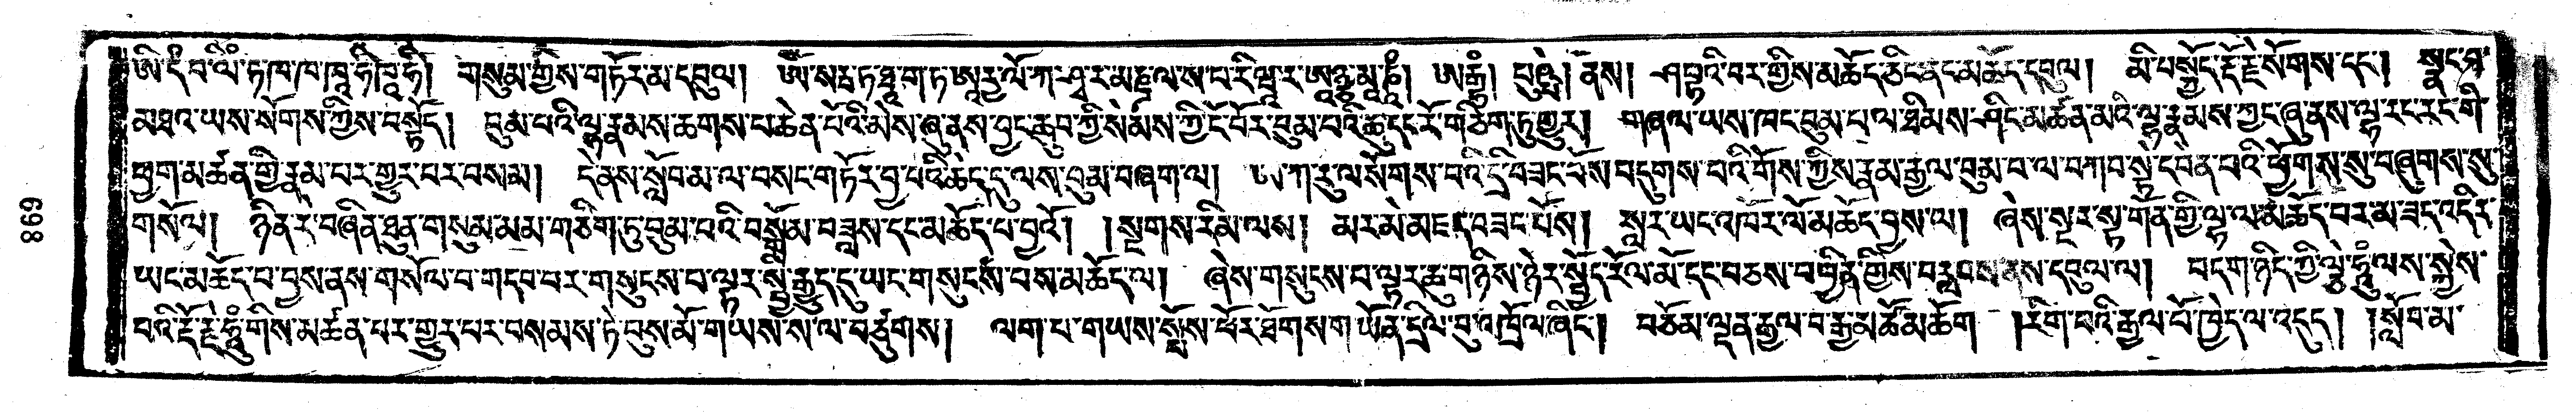ཨི་དཾ་བ་ལིཾ་ཏ་ཁ་ཁ་ཁཱ་ཧི་ཁཱ་ཧི། གསུམ་གྱིས་གཏོར་མ་དབུལ། ཨོཾ་སརྦ་ཏ་ཐཱ་ག་ཏ་ཨཱརྱ་ལོ་ཀ་ཤྭ་ར་མཎྜ་ལ་ས་པ་རི་ཝཱ་ར་ཨཱཉྩ་མཱ་ཎཱཾ། ཨརྒྷཾ། པུཥྤེ། ནས། ཤཔྟའི་བར་གྱིས་མཆོད་ཅིང་ནང་མཆོད་དབུལ། མི་བསྐྱོད་རྡོ་རྗེ་སོགས་དང་། སྣང་བ་
མཐའ་ཡས་སོགས་ཀྱིས་བསྟོད། བུམ་པའི་ལྷ་རྣམས་ཆགས་པ་ཆེན་པོའི་མེས་ཞུ་ནས་བྱང་ཆུབ་ཀྱི་སེམས་ཀྱི་ངོ་བོར་བུམ་པའི་ཆུ་དང་རོ་གཅིག་ཏུ་གྱུར། གཞལ་ཡས་ཁང་བུམ་པ་ལ་ཐིམས་ཤིང་མཚན་མའི་ལྷ་རྣམས་ཀྱང་ཞུ་ནས་ལྷ་རང་རང་གི་
ཕྱག་མཚན་གྱི་རྣམ་པར་གྱུར་པར་བསམ། དེ་ནས་སློབ་མ་ལ་བསང་གཏོར་བྱ་བའི་ཆེད་དུ་ལས་བུམ་བཞག་ལ། ཨ་ཀ་རུ་ལ་སོགས་པའི་དྲི་བཟང་པོས་བདུགས་པའི་གོས་ཀྱིས་རྣམ་རྒྱལ་བུམ་པ་ལ་བཀབ་སྟེ་དབེན་པའི་ཕྱོགས་སུ་བཞུགས་སུ་
གསོལ། ཉིན་རེ་བཞིན་ཐུན་གསུམ་མམ་གཅིག་ཏུ་བུམ་པའི་བསྒོམ་བཟླས་དང་མཆོད་པ་བྱའོ། །སྔགས་རིམ་ལས། མར་མེ་མཇད་བཟབ་པོས། སླར་ཡང་འཁོར་ལོ་མཆོད་བྱས་ལ། ཞེས་སྔར་སྟ་གོན་གྱི་ལྷ་ལ་མཆོད་པར་མ་ཟད་འདིར་
ཡང་མཆོད་པ་བྱས་ནས་གསོལ་བ་གདབ་པར་གསུངས་པ་ལྟར་སྤྱི་རྒྱུད་དུ་ཡང་གསུངས་པས་མཆོད་ལ། ཞེས་གསུངས་པ་ལྟར་ཆུ་གཉིས་ཉེར་སྤྱོད་རོལ་མོ་དང་བཅས་འབྱིན་གྱིས་བརླབས་ནས་དབུལ་ལ། བདག་ཉིད་ཀྱི་ལྕེ་ཧཱུཾ་ལས་སྐྱེས་
པའི་རྡོ་རྗེ་ཧཱུཾ་གིས་མཚན་པར་གྱུར་པར་བསམས་ཏེ་པུས་མོ་གཡས་ས་ལ་བཙུགས། ལག་པ་གཡས་ཕོར་ཐོགས་གཡོན་དྲིལ་བུ་འཁྲོལ་ཞིང་། བཅོམ་ལྡན་རྒྱལ་བ་རྒྱ་མཚོ་མཆོག །རིག་པའི་རྒྱལ་པོ་ཁྱེད་ལ་འདུད། །སློབ་མ་